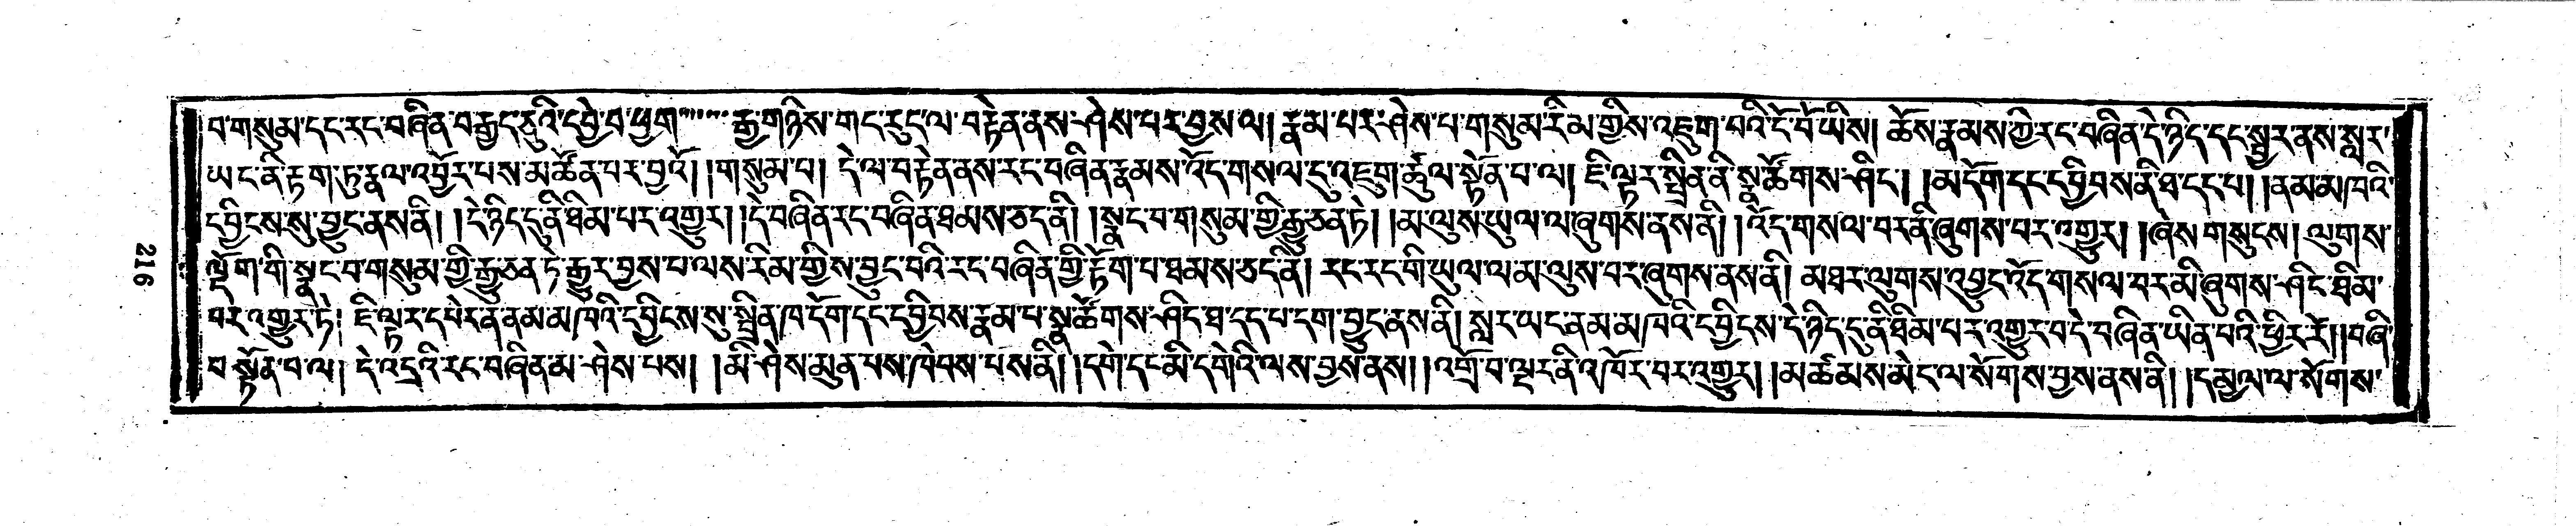པ་གསུམ་དང་རང་བཞིན་བརྒྱད་ཅུའི་དབྱེ་བ་ཕྱག་རྒྱ་གཉིས་གང་རུང་ལ་བརྟེན་ནས་ཤེས་པར་བྱས་ལ། རྣམ་པར་ཤེས་པ་གསུམ་རིམ་གྱིས་འཇུག་པའི་ངོ་བོ་ཡིས། ཆོས་རྣམས་ཀྱི་རང་བཞིན་དེ་ཉིད་དང་སྦྱར་ནས་སླར་
ཡང་ནི་རྟག་ཏུ་རྣལ་འབྱོར་པས་མཚོན་པར་བྱའོ། །གསུམ་པ། དེ་ལ་བརྟེན་ནས་རང་བཞིན་རྣམས་འོད་གསལ་དུ་འཇུག་ཚུལ་སྟོན་པ་ལ། ཇི་ལྟར་སྤྲིན་ནི་སྣ་ཚོགས་ཤིང་། །མདོག་དང་དབྱིབས་ནི་ཐ་དད་པ། །ནམ་མཁའི་
དབྱིངས་སུ་བྱུང་ནས་ནི། །དེ་ཉིད་དུ་ནི་ཐིམ་པར་འགྱུར། །དེ་བཞིན་རང་བཞིན་ཐམས་ཅད་ནི། །སྣང་བ་གསུམ་གྱི་རྒྱུ་ཅན་ཏེ། །མ་ལུས་ཡུལ་ལ་ཞུགས་ནས་ནི། །འོད་གསལ་བར་ནི་ཞུགས་པར་འགྱུར། །ཞེས་གསུངས། ལུགས་
ལྡོག་གི་སྣང་བ་གསུམ་གྱི་རྒྱུ་ཅན་ཏེ་རྒྱུར་བྱས་པ་ལས་རིམ་གྱིས་བྱུང་བའི་རང་བཞིན་གྱི་རྟོག་པ་ཐམས་ཅད་ནི། རང་རང་གི་ཡུལ་ལ་མ་ལུས་པར་ཞུགས་ནས་ནི། མཐར་ལུགས་འབྱུང་འོད་གསལ་བར་མི་ཞུགས་ཤིང་ཐིམ་
པར་འགྱུར་ཏེ། ཇི་ལྟར་དཔེར་ན་ནམ་མཁའི་དབྱིངས་སུ་སྤྲིན་ཁ་དོག་དང་དབྱིབས་རྣམ་པ་སྣ་ཚོགས་ཤིང་ཐ་དད་པ་དག་བྱུང་ནས་ནི། སླར་ཡང་ནམ་མཁའི་དབྱིངས་དེ་ཉིད་དུ་ནི་ཐིམ་པར་འགྱུར་བ་དེ་བཞིན་ཡིན་པའི་ཕྱིར་རོ། །བཞི་
པ་སྟོན་པ་ལ། དེ་འདྲའི་རང་བཞིན་མ་ཤེས་པས། །མི་ཤེས་མུན་པས་ཁེབས་པས་ནི། །དགེ་དང་མི་དགེའི་ལས་བྱས་ནས། །འགྲོ་བ་ལྔར་ནི་འཁོར་བར་འགྱུར། །མཚམས་མེད་ལ་སོགས་བྱས་ནས་ནི། །དམྱལ་ལ་སོགས་